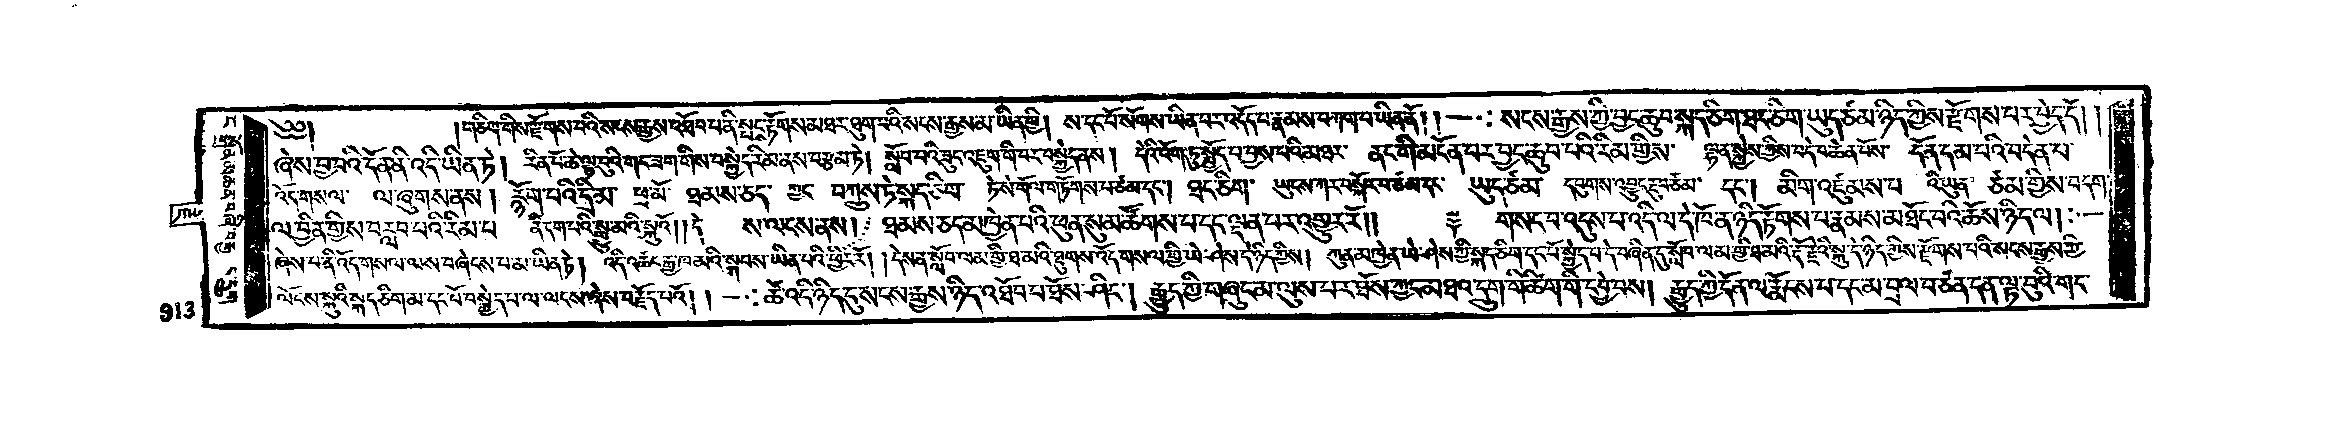༄༅། ། གཅིག་གིས་རྫོགས་པའི་སངས་རྒྱས་འཐོབ་པ་ནི་སྤངས་རྟོགས་མཐར་ཐུག་པའི་སངས་རྒྱས་མ་ཡིན་གྱི། ས་དང་པོ་སོགས་ཡིན་པར་འདོད་པ་རྣམས་བཀག་པ་ཡིན་ནོ།། སངས་རྒྱས་ཀྱི་བྱང་ཆུབ་སྐད་ཅིག་ཐང་ཅིག་ཡུད་ཙམ་ཉིད་ཀྱིས་རྫོགས་པར་བྱེད་དོ། །
ཞེས་བྱ་བའི་དོན་ནི་འདི་ཡིན་ཏེ། རིན་པོ་ཆེ་ལྟ་བུའི་གང་ཟག་གིས་བསྐྱེད་རིམ་ནས་བརྩམ་ཏེ། སློབ་པའི་ཟུང་འཇུག་གི་བར་བསྐྱེད་ནས། དེའི་འོག་ཏུ་སྤྱོད་པ་བྱས་པའི་མཐར་ནང་གི་མངོན་པར་བྱང་ཆུབ་པའི་རིམ་གྱིས་ལྷན་སྐྱེས་ཀྱིས་བདེ་བ་ཆེན་པོས་དོན་དམ་པའི་བདེན་པ་
འོད་གསལ་ལ་ཞུགས་ནས། རྙོག་པའི་དྲི་མ་ཕྲ་མོ་ཐམས་ཅད་ཀྱང་བཀྲུས་ཏེ་སྐད་ཅིག་ཏེ་སེ་གོལ་གཏོགས་པ་ཙམ་དང། ཐང་ཅིག་ཡུངས་ཀར་བསྐོར་བ་ཙམ་དང་ཡུད་ཙམ་དབུགས་འབྱུང་རྡུབ་ཙམ་དང་། མིག་འཛུམས་པའི་ཡུན་ཙམ་གྱིས་བདག་
ལ་བྱིན་གྱིས་བརླབ་པའི་རིམ་པ་ནི་དག་པའི་སྒྱུ་མའི་སྐུའོ། །དེ་ས་ལངས་ནས། ཐམས་ཅད་མཁྱེན་པའི་ཕུན་སུམ་ཚོགས་པ་དང་ལྡན་པར་འགྱུར་རོ།། ༈ གསང་བ་འདུས་པ་འདི་ལ་དེ་ཁོ་ན་ཉིད་རྟོགས་པ་རྣམས་མཐོང་བའི་ཆོས་ཉིད་ལ།
ཞེས་པ་ནི་འོད་གསལ་ལས་བཞེངས་པ་མ་ཡིན་ཏེ། འདི་འཚང་རྒྱ་ཁ་མའི་སྐབས་ཡིན་པའི་ཕྱིར་རོ། །དེས་ན་སློབ་ལམ་གྱི་ཐ་མའི་ཐུགས་འོད་གསལ་གྱི་ཡེ་ཤེས་དེ་ཉིད་ཀྱིས། ཀུན་མཁྱེན་ཡེ་ཤེས་ཀྱི་སྐད་ཅིག་དང་པོ་སྐྱེད་པ་དེ་བཞིན་དུ་སློབ་ལམ་གྱི་ཐ་མའི་རྡོ་རྗེའི་སྐུ་དེ་ཉིད་ཀྱིས་རྫོགས་པའི་སངས་རྒྱས་ཀྱི་
ལོངས་སྐུའི་སྐད་ཅིག་མ་དང་པོ་བསྐྱེད་པ་ལ་ལངས་ཞེས་བརྗོད་པའོ། ། ཚེ་འདི་ཉིད་དུ་སངས་རྒྱས་ཉིད་འཐོབ་པ་ཐོས་ཤིང་། རྒྱུད་ཀྱི་གཞུང་མ་ལུས་པར་ཐོས་ཀྱང་མཐའ་དྲུག་གི་ཚིག་གི་དབྱེ་བས། རྒྱུད་ཀྱི་དོན་ལ་རྨོངས་པ་དང་མ་བྲལ་བ་ཙན་དན་ལྟ་བུའི་གང་